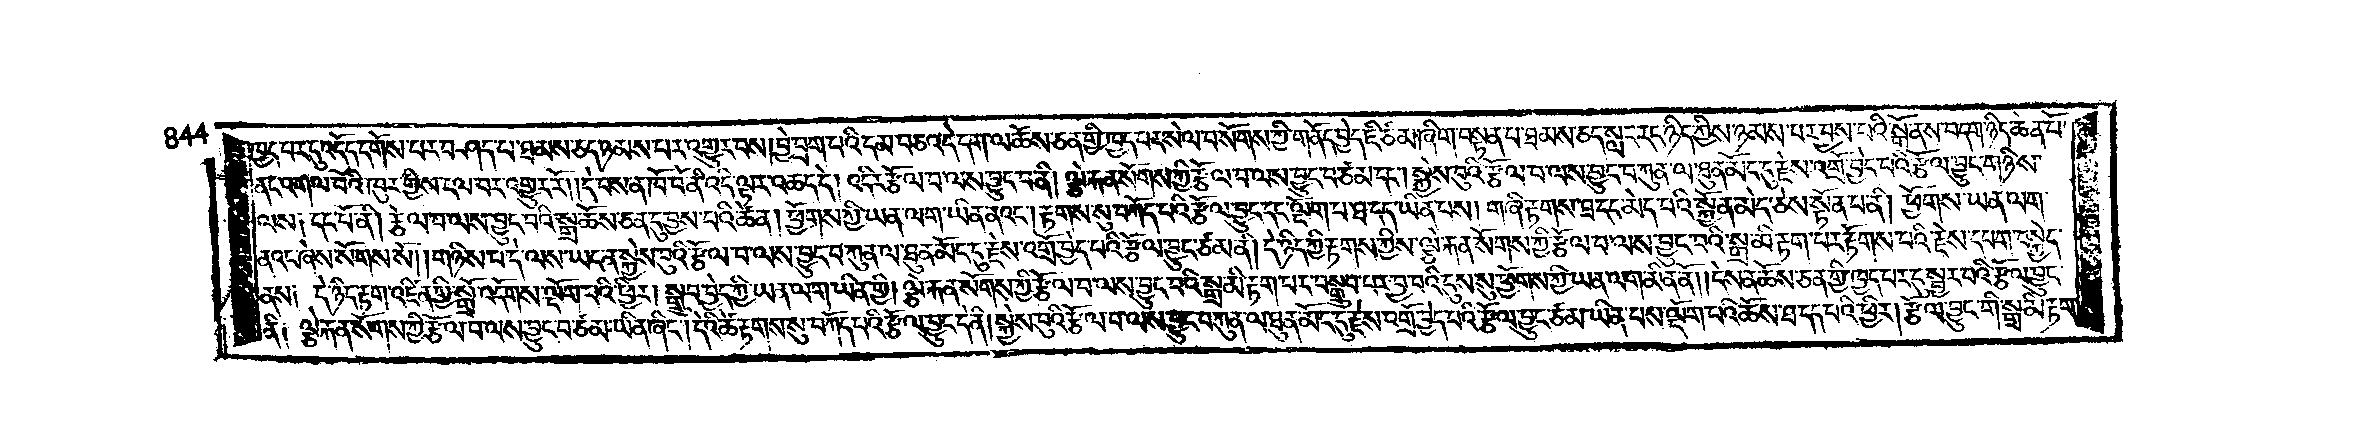ཁྱད་པར་དུ་འདོད་དགོས་པར་བཤད་པ་ཐམས་ཅད་ཉམས་པར་འགྱུར་བས། བྱེ་བྲག་པའི་དམ་བཅའ་དེ་དག་ལ་ཆོས་ཅན་གྱི་ཁྱད་པར་སེལ་བ་སོགས་ཀྱི་གནོད་བྱེད་ཇི་ཙམ་ཞིག་བསྟན་པ་ཐམས་ཅད་སླར་རང་ཉིད་ཀྱིས་ཉམས་པར་བྱས་པའི་སྒོ་ནས་བདག་ཉིད་ཆེན་པོ་
ནང་འགལ་བའི་ཁུར་གྱིས་ངལ་བར་འགྱུར་རོ། །དེ་བས་ན་ཁོ་བོ་ནི་འདི་ལྟར་འཆད་དེ། འདིར་རྩོལ་བ་ལས་བྱུང་བ་ནི། ལྕེ་རྐན་སོགས་ཀྱི་རྩོལ་བ་ལས་བྱུང་བ་ཙམ་དང་། སྐྱེས་བུའི་རྩོལ་བ་ལས་བྱུང་བ་ཀུན་ལ་ཐུན་མོང་དུ་རྗེས་འགྲོ་བྱེད་པའི་རྩོལ་བྱུང་གཉིས་
ལས། དང་པོ་ནི། རྩོལ་བ་ལས་བྱུང་བའི་སྒྲ་ཆོས་ཅན་དུ་བྱས་པའི་ཚེ་ན། ཕྱོགས་ཀྱི་ཡན་ལག་ཡིན་ནའང་། རྟགས་སུ་བཀོད་པའི་རྩོལ་བྱུང་དང་ལྡོག་པ་ཐ་དད་ཡིན་པས། གཞི་རྟགས་ཐ་དད་མེད་པའི་སྐྱོན་མེད་ཅེས་སྟོན་པ་ནི། ཕྱོགས་ཡན་ལག་
ནའང་ཞེས་སོགས་སོ། །གཉིས་པ་དེ་ལས་ཡང་ན་སྐྱེས་བུའི་རྩོལ་བ་ལས་བྱུང་བ་ཀུན་ལ་ཐུན་མོང་དུ་རྗེས་འགྲོ་བྱེད་པའི་རྩོལ་བྱུང་ཙམ་ནི། དེ་ཉིད་ཀྱི་རྟགས་ཀྱིས་ལྕེ་རྐན་སོགས་ཀྱི་རྩོལ་བ་ལས་བྱུང་བའི་སྒྲ་མི་རྟག་པར་རྟོགས་པའི་རྗེས་དཔག་བསྐྱེད་
ནས། དེ་ཉིད་རྟག་འཛིན་གྱི་སྒྲོ་འདོགས་ལྡོག་པའི་ཕྱིར། སྒྲུབ་བྱེད་ཀྱི་ཡན་ལག་ཡིན་གྱི། ལྕེ་རྐན་སོགས་ཀྱི་རྩོལ་བ་ལས་བྱུང་བའི་སྒྲ་མི་རྟག་པར་བསྒྲུབ་པར་བྱ་བའི་དུས་སུ་ཕྱོགས་ཀྱི་ཡན་ལག་མིན་ནོ། །དེས་ན་ཆོས་ཅན་གྱི་ཁྱད་པར་དུ་སྦྱར་བའི་རྩོལ་བྱུང་
ནི། ལྕེ་རྐན་སོགས་ཀྱི་རྩོལ་བ་ལས་བྱུང་བ་ཙམ་ཡིན་ཞིང་། དེའི་ཚེ་རྟགས་སུ་བཀོད་པའི་རྩོལ་བྱུང་དེ་ནི། སྐྱེས་བུའི་རྩོལ་བ་ལས་བྱུང་བ་ཀུན་ལ་ཐུན་མོང་དུ་རྗེས་འགྲོ་བྱེད་པའི་རྩོལ་བྱུང་ཙམ་ཡིན་པས་ལྡོག་པའི་ཆོས་ཐ་དད་པའི་ཕྱིར། རྩོལ་བྱུང་གི་སྒྲ་མི་རྟག་